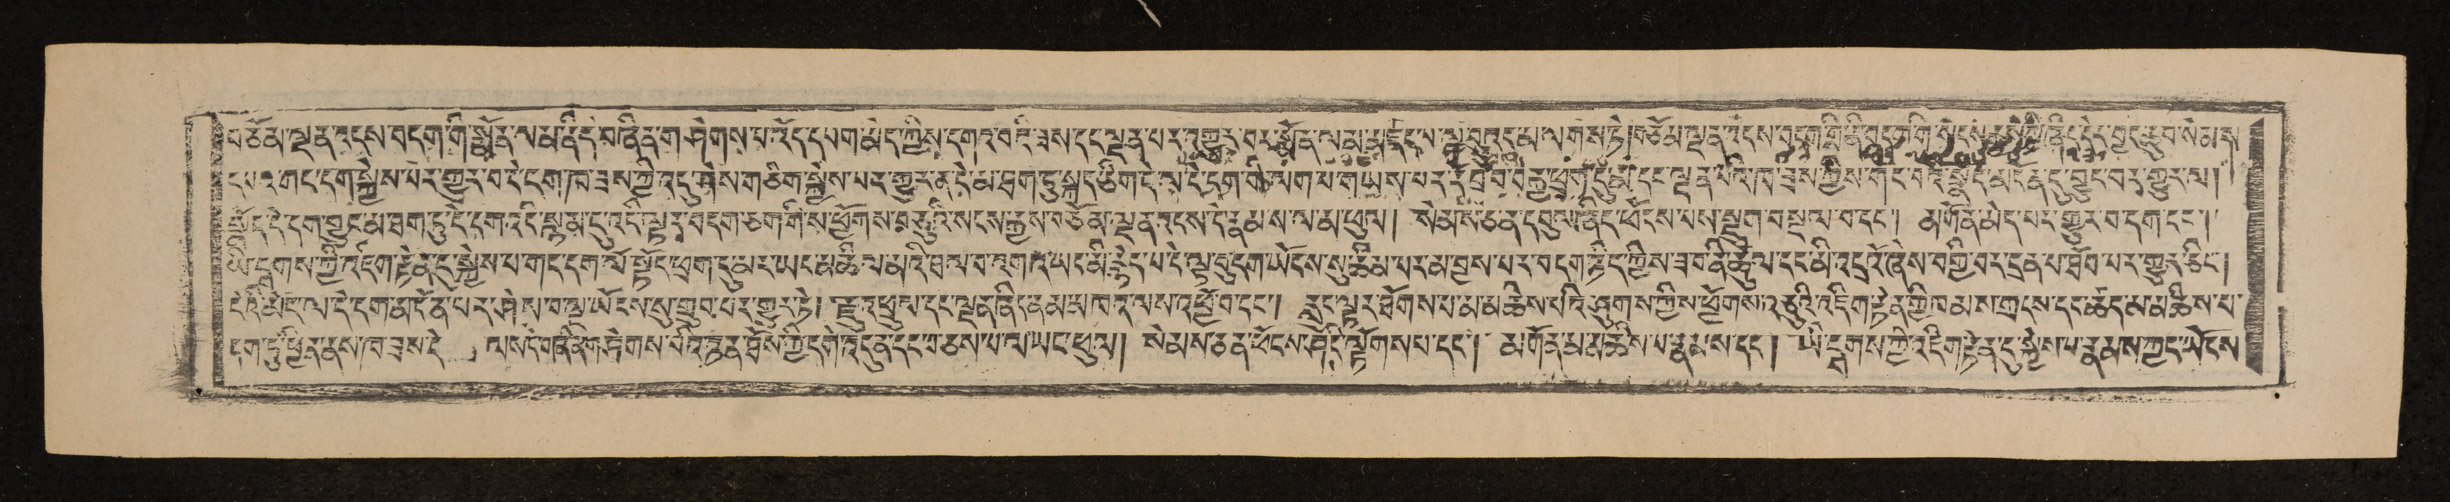བཅོམ་ལྡན་འདས་བདག་གི་སྨོན་ལམ་ནི་དེ་བཞིན་གཤེགས་པ་འོད་དཔག་མེད་ཀྱིས་དགའ་པའི་ཟས་དང་ལྡན་པར་འགྱུར་བར་སྨོན་ལམ་མཛད་པ་ལྟ་བུའང་མ་ལགས་ཏེ། བཅོམ་ལྡན་འདས་བདག་གིས་ནི་བདག་གི་སངས་རྒྱས་ཀྱི་ཞིང་དེར་བྱང་ཆུབ་སེམས་
དཔའ་གང་དག་སྐྱེས་པར་གྱུར་པ་དེ་དག་ཁ་ཟས་ཀྱི་འདུ་ཤེས་གཅིག་སྐྱེས་པར་གྱུར་ན་དེ་མ་ཐག་ཏུ་སྐད་ཅིག་དེ་ལ་དེ་དག་གི་ལག་པ་གཡས་པར་རོ་བྲོ་བ་བརྒྱ་ཕྲག་དུ་མ་དང་ལྡན་པའི་ཁ་ཟས་ཀྱིས་གང་བའི་སྣོད་མངོན་དུ་བྱུང་བར་གྱུར་ལ།
སྣོད་དེ་དག་བྱུང་མ་ཐག་ཏུ་དེ་དག་འདི་སྙམ་དུ་འདི་ལྟར་བདག་ཅག་གིས་ཕྱོགས་བཅུའི་སངས་རྒྱས་བཅོམ་ལྡན་འདས་དེ་རྣམས་ལ་མ་ཕུལ། སེམས་ཅན་དབུལ་ཞིང་ཕོངས་པས་སྡུག་བསྔལ་བ་དང་། མགོན་མེད་པར་གྱུར་པ་དག་དང་།
ཡི་དྭགས་ཀྱི་འཇིག་རྟེན་དུ་སྐྱེས་པ་གང་དག་ལོ་སྟོང་ཕྲག་དུ་མར་ཡང་མཆིལ་མའི་ཐལ་བ་འགའ་ཡང་མི་རྙེད་པ་དེ་ལྟ་བུ་དག་ཡོངས་སུ་ཚིམ་པར་མ་བྱས་པར་བདག་ཉིད་ཀྱིས་ཟབ་ནི་ཚུལ་དང་མི་འདྲའོ་ཞེས་བགྱི་བར་དྲན་པ་ཐོབ་པར་གྱུར་ཅིང་།
དེའི་མོད་ལ་དེ་དག་མངོན་པར་ཤེས་པ་ལྔ་ཡོངས་སུ་གྲུབ་པར་གྱུར་ཏེ། རྫུ་འཕྲུལ་དང་ལྡན་ཞིང་ནམ་མཁའ་ལས་འཕྱོ་བ་དང་། རླུང་ལྟར་ཐོགས་པ་མ་མཆིས་པའི་ཤུགས་ཀྱིས་ཕྱོགས་བཅུའི་འཇིག་རྟེན་གྱི་ཁམས་གྲངས་དང་ཚད་མ་མཆིས་པ་
དག་ཏུ་ཕྱིན་ནས་ཁ་ཟས་དེ་ལས་དེ་བཞིན་གཤེགས་པའི་ཉན་ཐོས་ཀྱི་དགེ་འདུན་དང་བཅས་པ་ལ་ཡང་ཕུལ། སེམས་ཅན་ཕོངས་ཤིང་ལྟོགས་པ་དང་། མགོན་མ་མཆིས་པ་རྣམས་དང་། ཡི་དྭགས་ཀྱི་འཇིག་རྟེན་དུ་སྐྱེས་པ་རྣམས་ཀྱང་ཡོངས་